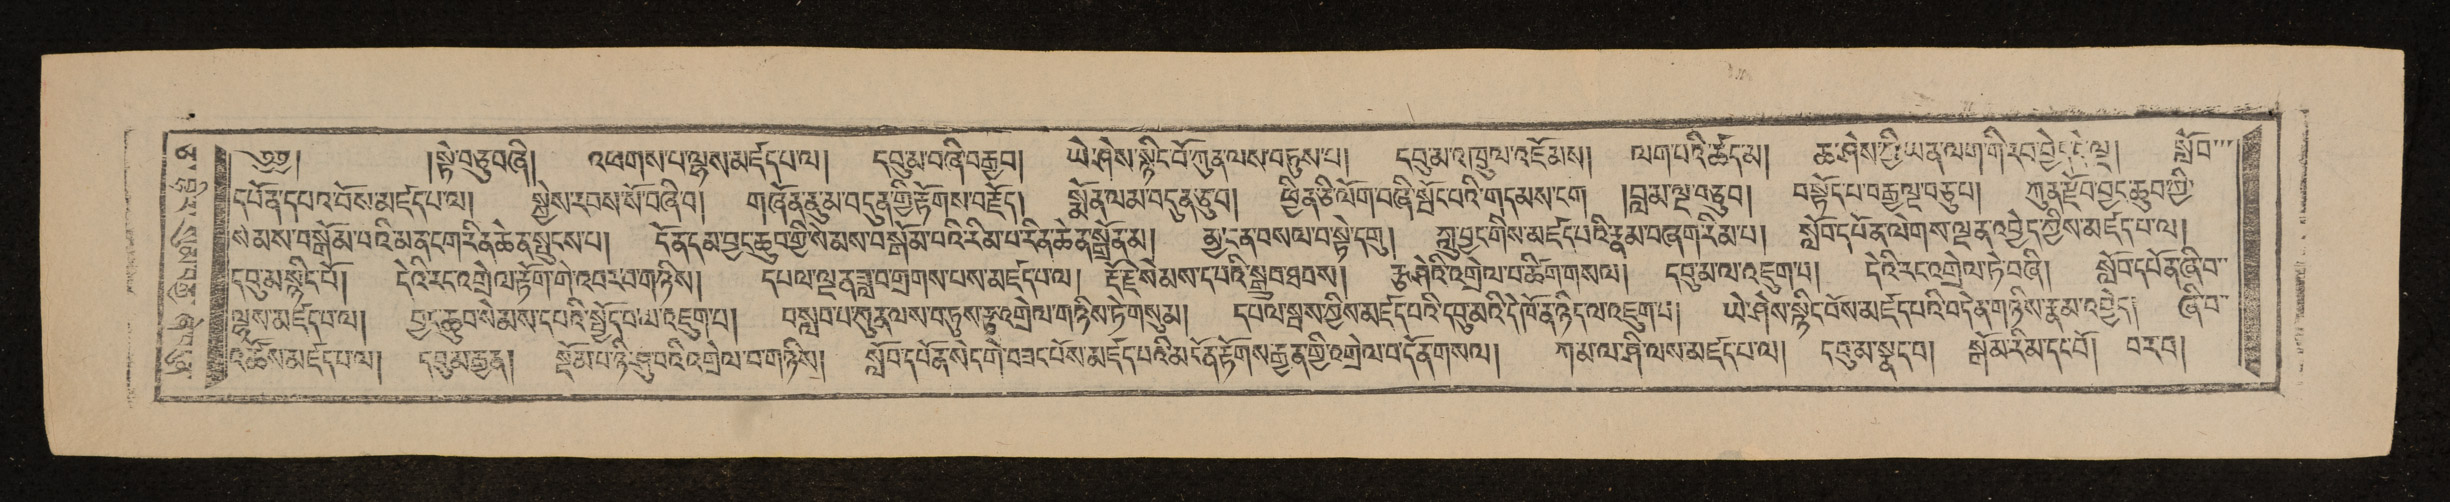༄༅། །སྟེ་བཅུ་བཞི། འཕགས་པ་ལྷས་མཛད་པ་ལ། དབུ་མ་བཞི་བརྒྱ་བ། ཡེ་ཤེས་སྙིང་པོ་ཀུན་ལས་བཏུས་བ། དབུ་མ་འཁྲུལ་འཛོམས། ལག་པའི་ཚད་མ། ཆ་ཤེས་ཀྱི་ཡན་ལག་གི་རབ་བྱེད་དེ་ལྔ། སློབ་
དཔོན་དཔའ་བོས་མཛད་པ་ལ། སྐྱེས་རབས་སོ་བཞི་པ། གཞོན་ནུ་མ་བདུན་གྱི་རྟོགས་བརྗོད། སྨོན་ལམ་བདུན་ཅུ་པ། ཕྱིན་ཅི་ལོག་བཞི་སྤོང་པའི་གདམས་ངག །བླ་མ་ལྔ་བཅུ་པ། བསྟོད་པ་བརྒྱ་ལྔ་བཅུ་པ། ཀུན་རྫོབ་བྱང་ཆུབ་ཀྱི་
སེམས་བསྒོམ་པའི་མན་ངག་རིན་ཆེན་སྤུངས་པ། དོན་དམ་བྱང་ཆུབ་ཀྱི་སེམས་བསྒོམ་པའི་རིམ་པ་རིན་ཆེན་སྒྲོན་མ། མྱ་ངན་བསལ་བ་སྟེ་དགུ། ཀླུ་བྱང་གིས་མཛད་པའི་རྣམ་བཞག་རིམ་པ། སློབ་དཔོན་ལེགས་ལྡན་འབྱེད་ཀྱིས་མཛད་པ་ལ།
དབུ་མ་སྙིང་པོ། དེའི་རང་འགྲེལ་རྟོག་གེ་འབར་བ་གཉིས། དཔལ་ལྡན་ཟླ་བ་གྲགས་པས་མཛད་པ་ལ། རྡོ་རྗེ་སེམས་དཔའི་སྒྲུབ་ཐབས། རྩ་ཤེའི་འགྲེལ་པ་ཚིག་གསལ། དབུ་མ་ལ་འཇུག་པ། དེའི་རང་འགྲེལ་ཏེ་བཞི། སློབ་དཔོན་ཞི་བ་
ལྷས་མཛད་པ་ལ། བྱང་ཆུབ་སེམས་དཔའི་སྤྱོད་པ་ལ་འཇུག་པ། བསླབ་པ་ཀུན་ལས་བཏུས་རྩ་འགྲེལ་གཉིས་ཏེ་གསུམ། དཔལ་སྦས་ཀྱིས་མཛད་པའི་དབུ་མའི་དེ་ཁོ་ན་ཉིད་ལ་འཇུག་པ། ཡེ་ཤེས་སྙིང་པོས་མཛད་པའི་བདེན་གཉིས་རྣམ་འབྱེད། ཞི་བ་
འཚོས་མཛད་པ་ལ། དབུ་མ་རྒྱན། སྡོམ་པ་ཉི་ཤུ་བའི་འགྲེལ་པ་གཉིས། སློབ་དཔོན་སེང་གེ་བཟང་པོས་མཛད་པའི་མངོན་རྟོགས་རྒྱན་གྱི་འགྲེལ་པ་དོན་གསལ། ཀ་མ་ལ་ཤི་ལས་མཛད་པ་ལ། དབུ་མ་སྣང་བ། སྒོམ་རིམ་དང་པོ། བར་བ།